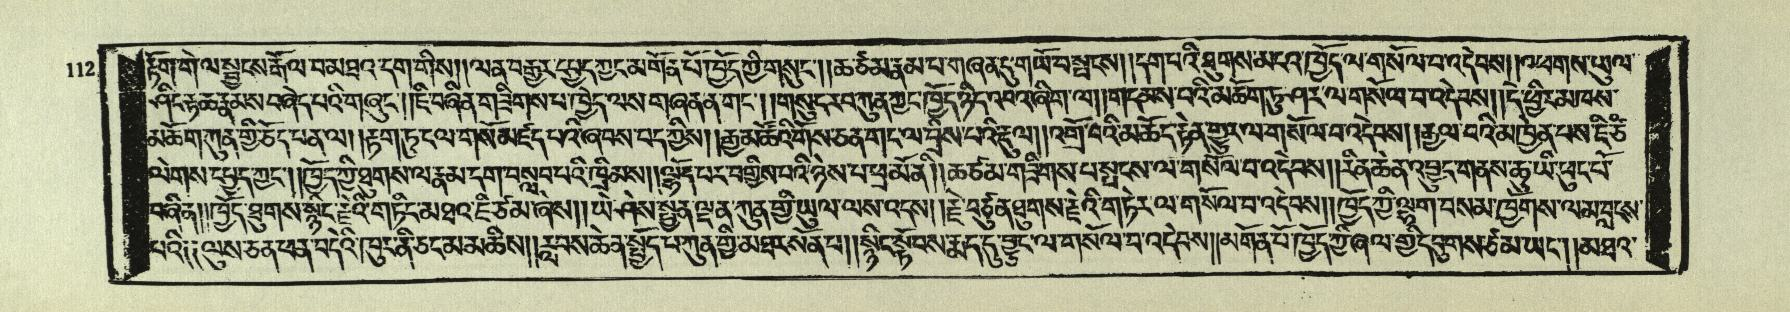རྟོག་གེ་ལ་སྦྱངས་རྒོལ་བ་མཐའ་དག་གིས། །ལན་བརྒྱར་དཔྱད་ཀྱང་མགོན་པོ་ཁྱོད་ཀྱི་གསུང་། །ཆ་ཙམ་རྣམ་པ་གཞན་དུ་གཡོ་བ་སྤངས། །དག་པའི་ཐུགས་མངའ་ཁྱོད་ལ་གསོལ་བ་འདེབས། །འཕགས་ཡུལ་
ཤིང་རྟ་ཆ་རྣམས་བཞེད་པའི་གཞུང་། །ཇི་བཞིན་གཟིགས་པ་ཁྱེད་ལས་གཞན་ན་གང་། །གསུང་རབ་ཀུན་ཀྱང་ཁྱོད་ཉིད་འབའ་ཞིག་ལ། །གདམས་པའི་མཆོག་ཏུ་ཤར་ལ་གསོལ་བ་འདེབས། །དེ་ཕྱིར་མཁས་
མཆོག་ཀུན་གྱི་ཅོད་པན་ལ། །རྟག་ཏུ་ངལ་གསོ་མཛད་པའི་ཞབས་པད་ཀྱིས། །རྒྱ་མཚོའི་གོས་ཅན་གང་ལ་བྲིས་པའི་རྡུལ། །འགྲོ་བའི་མཆོད་རྟེན་གྱུར་ལ་གསོལ་བ་འདེབས། །རྒྱལ་བའི་མཁྱེན་པས་ཇི་ཙཾ་
ལེགས་དཔྱད་ཀྱང་། །ཁྱོད་ཀྱི་ཐུགས་ལ་རྣམ་དག་བསླབ་པའི་ཁྲིམས། །ལྷོད་པར་བགྱིས་པའི་ཉེས་པ་ཕྲ་མོ་ནི། །ཆ་ཙམ་གཟིགས་པ་སྤངས་ལ་གསོལ་བ་འདེབས། །རིན་ཆེན་འབྱུང་གནས་ཆུ་ཡི་ཕུང་པོ་
བཞིན། །ཁྱོད་ཐུགས་སྙིང་རྗེའི་གཏིང་མཐའ་ཇི་ཙམ་ཞེས། །ཡེ་ཤེས་སྤྱན་ལྡན་ཀུན་གྱི་ཡུལ་ལས་འདས། །རྗེ་བཙུན་ཐུགས་རྗེའི་གཏེར་ལ་གསོལ་བ་འདེབས། །ཁྱོད་ཀྱི་ལྷག་བསམ་ཁྱོགས་ལ་མ་བླངས་
པའི༑ ༑ལུས་ཅན་ཕན་བདེའི་ཁུར་ནི་ཅང་མ་མཆིས། །རླབས་ཆེན་སྤྱོད་པ་ཀུན་གྱི་མཐར་སོན་པ། །སྙིང་སྟོབས་རྨད་དུ་བྱུང་ལ་གསོལ་བ་འདེབས། །མགོན་པོ་ཁྱོད་ཀྱི་ཞལ་གྱི་དབུགས་ཙམ་ཡང་། །མཐའ་